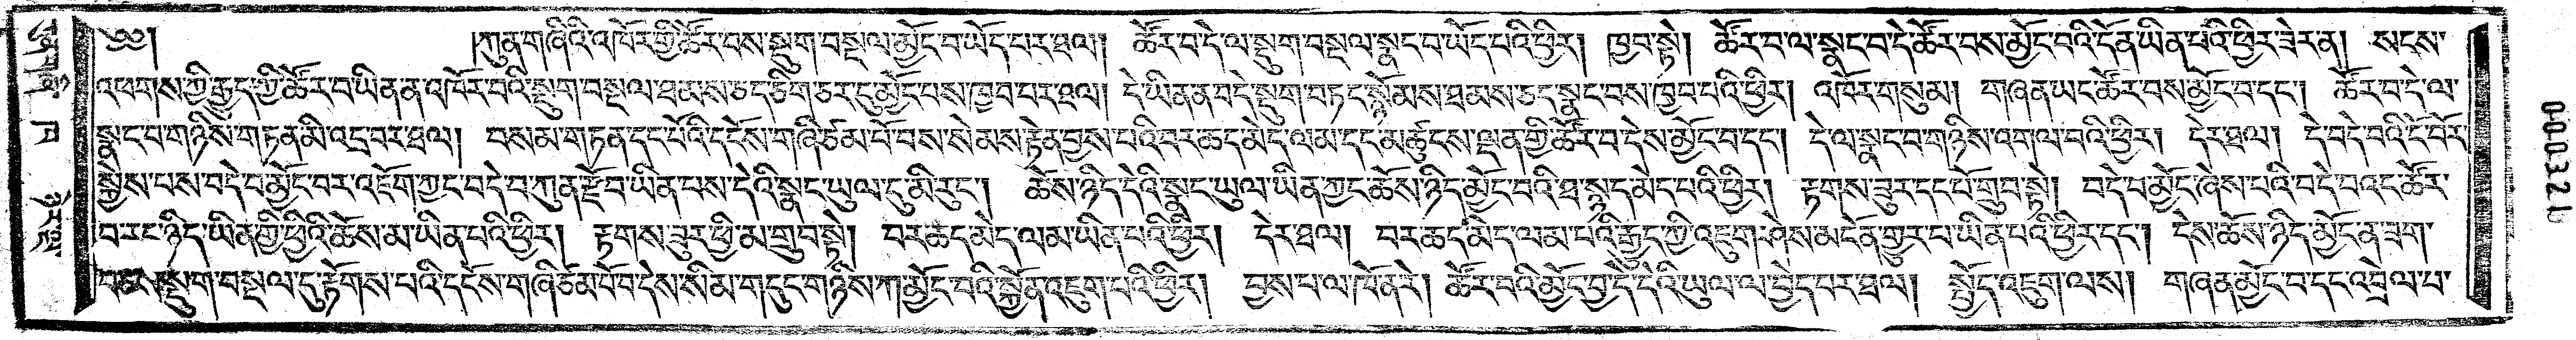༄༅། །ཀུན་གཞིའི་འཁོར་གྱི་ཚོར་བས་སྡུག་བསྔལ་མྱོང་བ་ཡོད་པར་ཐལ། ཚོར་བ་དེ་ལ་སྡུག་བསྔལ་སྣང་བ་ཡོད་པའི་ཕྱིར། ཁྱབ་སྟེ། ཚོར་བ་ལ་སྣང་བ་དེ་ཚོར་བས་མྱོང་བའི་དོན་ཡིན་པའི་ཕྱིར་ཟེར་ན། སངས་
འཕགས་ཀྱི་རྒྱུད་ཀྱི་ཚོར་བ་ཡིན་ན་འཁོར་བའི་སྡུག་བསྔལ་ཐམས་ཅད་ཅིག་ཅར་དུ་མྱོང་བས་ཁྱབ་པར་ཐལ། དེ་ཡིན་ན་བདེ་སྡུག་བཏང་སྙོམས་ཐམས་ཅད་སྣང་བས་ཁྱབ་པའི་ཕྱིར། འཁོར་གསུམ། གཞན་ཡང་ཚོར་བས་མྱོང་བ་དང་། ཚོར་བ་དེ་ལ་
སྣང་བ་གཉིས་གཏན་མི་འདྲ་བར་ཐལ། བསམ་གཏན་དང་པོའི་དངོས་གཞི་ཙམ་པོ་བས་སེམས་རྟེན་བྱས་པའི་བར་ཆད་མེད་ལམ་དང་མཚུངས་ལྡན་གྱི་ཚོར་བ་དེས་མྱོང་བ་དང་། དེ་ལ་སྣང་བ་གཉིས་འགལ་བའི་ཕྱིར། དེར་ཐལ། དེ་བདེ་བའི་ངོ་བོར་
སྐྱེས་པས་བདེ་བ་མྱོང་བར་འཇོག་ཀྱང་བདེ་བ་ཀུན་རྫོབ་ཡིན་པས་དེའི་སྣང་ཡུལ་དུ་མི་རུང་། ཆོས་ཉིད་དེའི་སྣང་ཡུལ་ཡིན་ཀྱང་ཆོས་ཉིད་མྱོང་བའི་ཐ་སྙད་མེད་པའི་ཕྱིར། རྟགས་ཟུར་དང་པོ་གྲུབ་སྟེ། བདེ་བ་མྱོང་ཞེས་པའི་བདེ་བའང་ཚོར་
བ་རང་ཉིད་ཡིན་གྱི་ཕྱིའི་ཆོས་མ་ཡིན་པའི་ཕྱིར། རྟགས་ཟུར་ཕྱི་མ་གྲུབ་སྟེ། བར་ཆད་མེད་ལམ་ཡིན་པའི་ཕྱིར། དེར་ཐལ། བར་ཆད་མེད་ལམ་པའི་རྒྱུད་ཀྱི་འཇུག་ཤེས་མངོན་གྱུར་པ་ཡིན་པའི་ཕྱིར་དང་། དེས་ཆོས་ཉིད་མྱོང་ན་ཟག་
བཅས་སྡུག་བསྔལ་དུ་རྟོགས་པའི་དངོས་གཞི་ཙམ་པོ་བ་དེས་སིམ་གདུང་གཉིས་ཀ་མྱོང་བའི་སྐྱོན་འཇུག་པའི་ཕྱིར། བྱས་པ་ལ་ཁོ་ན་རེ། ཚོར་བའི་མྱོང་བྱ་དེ་དེའི་ཡུལ་ལ་བྱེད་པར་ཐལ། སྤྱོད་འཇུག་ལས། གཞན་མྱོང་བ་དང་འབྲེལ་པ་